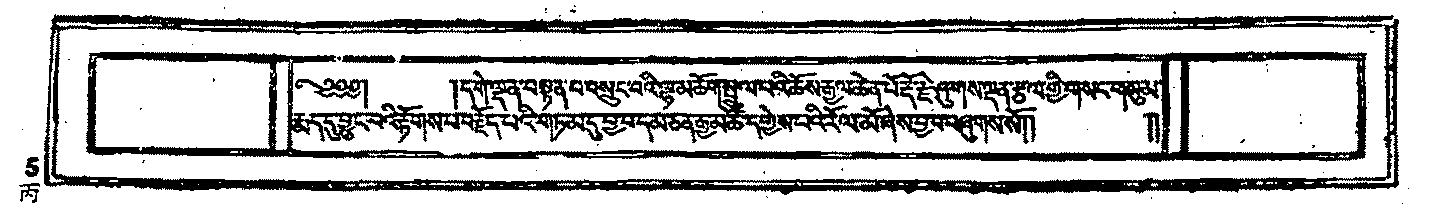༄༅༅། །དགེ་ལྡན་བསྟན་པ་བསྲུང་བའི་ལྷ་མཆོག་སྤྲུལ་པའི་ཆོས་རྒྱལ་ཆེན་པོ་རྡོ་རྗེ་ཤུགས་ལྡན་རྩལ་གྱི་གསང་གསུམ་
རྨད་དུ་བྱུང་བའི་རྟོགས་པ་བརྗོད་པའི་གཏམ་དུ་བྱ་བ་དམ་ཅན་རྒྱ་མཚོ་དགྱེས་པའི་རོལ་མོ་ཞེས་བྱ་བ་བཞུགས་སོ།། །།